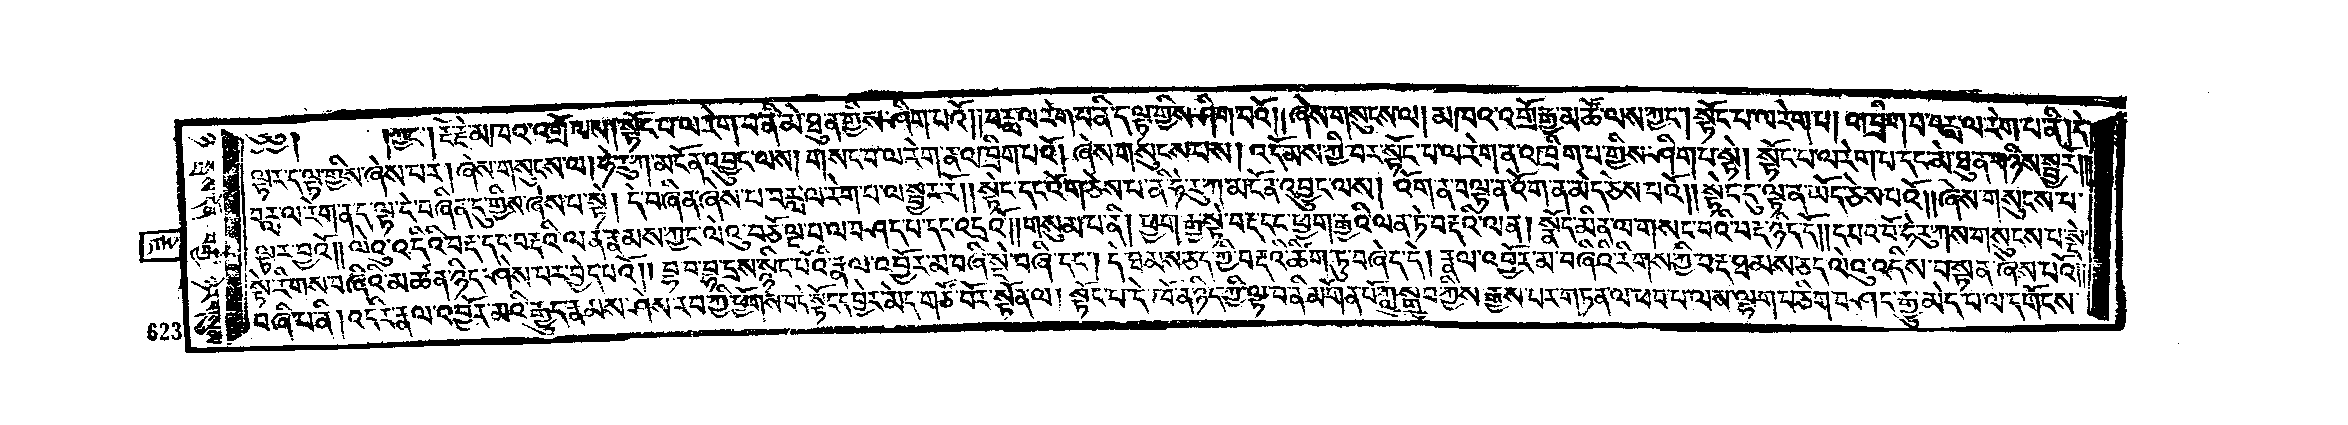༄༅། །ཀྱང་། རྡོ་རྗེ་མཁའ་འགྲོ་ལས། སྟོང་པ་ལ་རེག་པ་ནི་མེ་ཐུ་ན་གྱིས་ཤིག་པའོ། །བརླ་ལ་རེག་པ་ནི་ད་ལྟ་གྱིས་ཤིག་པའོ། །ཞེས་གསུངས་ལ། མཁའ་འགྲོ་རྒྱ་མཚོ་ལས་ཀྱང་། སྟོང་པ་ལ་རེག་པ། འཁྲིག་པ་བརླ་ལ་རེག་པ་ནི། དེ་
ལྟར་ད་ལྟ་གྱིས་ཞེས་པར། ཞེས་གསུངས་ལ། ཧེ་རུ་ཀ་མངོན་འབྱུང་ལས། གསང་བ་ལ་རེག་ན་འཁྲིག་པའོ། ཞེས་གསུངས་པས། འདོམས་ཀྱི་བར་སྟོང་པ་ལ་རེག་ན་འཁྲིག་པ་གྱིས་ཤིག་པ་སྟེ། སྟོང་པ་ལ་རེག་པ་དང་མེ་ཐུ་ན་གཉིས་སྦྱར་རོ། །
བརླ་ལ་རེག་ན་ད་ལྟ་དེ་བཞིན་དུ་གྱིས་ཞེས་པ་སྟེ། དེ་བཞིན་ཞེས་པ་བརླ་ལ་རེག་པ་ལ་སྦྱར་རོ། །སྟེང་དང་འོག་ཅེས་པ་ནི་ཧེ་རུ་ཀ་མངོན་འབྱུང་ལས། འོག་ན་བལྟ་ན་འོག་ན་མེད་ཅེས་པའོ། །སྟེང་དུ་ལྟ་ན་ཡོད་ཅེས་པའོ། །ཞེས་གསུངས་པ་
ལྟར་བྱའོ། །ལེའུ་འདིའི་བརྡ་དང་བརྡའི་ལན་རྣམས་ཀྱང་ལེའུ་བཅོ་ལྔ་པ་ལ་བཤད་པ་དང་འདྲའོ། །གསུམ་པ་ནི། ཕྱག་རྒྱ་སྟེ་བརྡ་དང་ཕྱག་རྒྱའི་ལན་ཏེ་བརྡའི་ལན། སྣོད་མིན་ལ་གསང་བའི་བརྡ་ཉིད་དོ། །དཔའ་བོ་ཧེ་རུ་ཀས་གསུངས་པ་སྡེ་
སྟེ་རིགས་བཞིའི་མཚན་ཉིད་ཤེས་པར་བྱེད་པའོ། །བྷ་བ་བྷ་དྲས་སྙིང་པོའི་རྣལ་འབྱོར་མ་བཞི་སྡེ་བཞི་དང་། དེ་ཐམས་ཅད་ཀྱི་བརྡའི་ཚིག་ཏུ་བཞེད་དེ། རྣལ་འབྱོར་མ་བཞིའི་རིགས་ཀྱི་བརྡ་ཐམས་ཅད་ལེའུ་འདིས་བསྟན་ཞེས་པའོ། །
བཞི་པ་ནི། འདིར་རྣལ་འབྱོར་མའི་རྒྱུད་རྣམས་ཤེས་རབ་ཀྱི་ཕྱོགས་བདེ་སྟོང་དབྱེར་མེད་གཙོ་བོར་སྟོན་ལ། སྟོང་པ་དེ་ཁོ་ན་ཉིད་ཀྱི་ལྟ་བ་ནི་མགོན་པོ་ཀླུ་སྒྲུབ་ཀྱིས་རྒྱས་པར་གཏན་ལ་ཕབ་པ་ལས་ལྷག་བ་ཅིག་བཤད་རྒྱུ་མེད་པ་ལ་དགོངས་